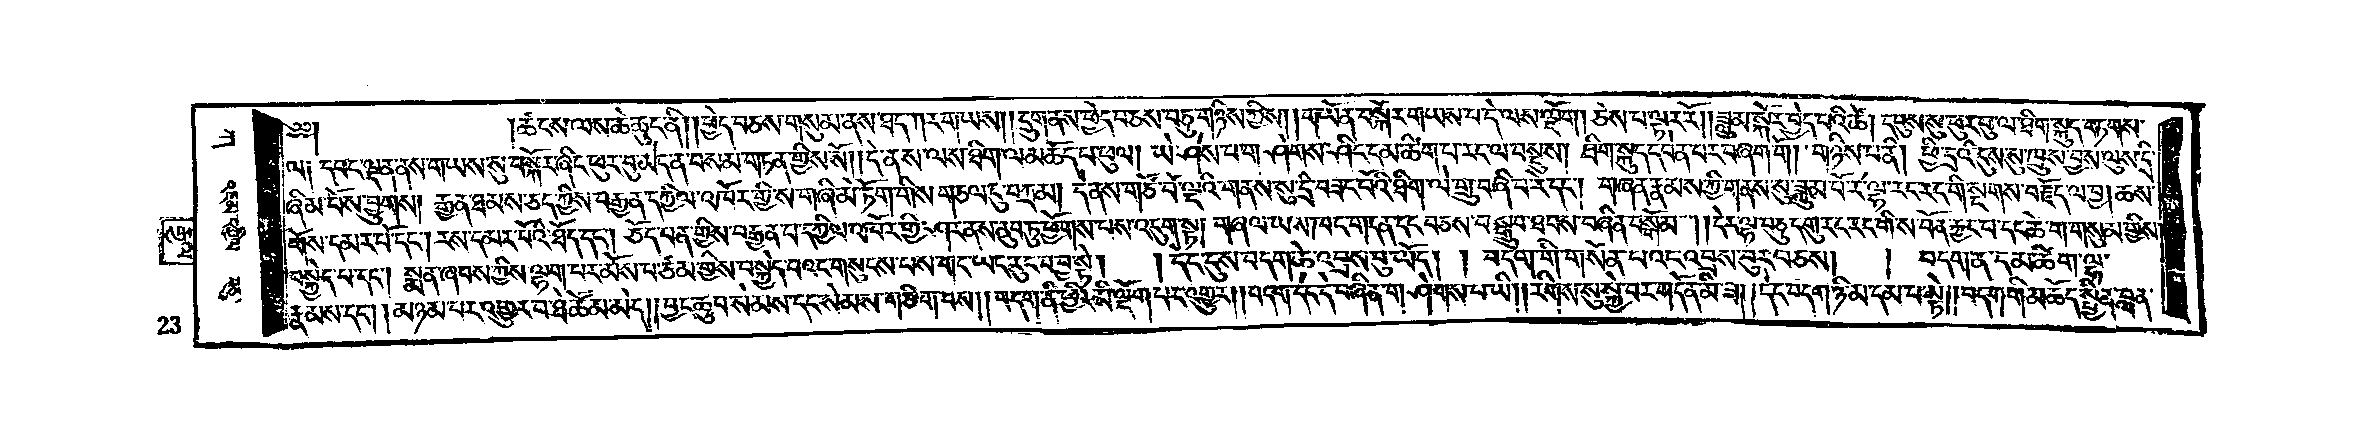༄༅། །ཚངས་ལས་ཆེ་ཆུང་ནི། །ཕྱེད་བཅས་གསུམ་ནས་ཐད་ཀར་གཡས། །དྲུག་ནས་ཕྱེད་བཅས་བཅུ་གཉིས་ཀྱིས། །གཡོན་བསྐོར་གཡས་པ་དེ་ལས་ལྡོག །ཅེས་པ་ལྟར་རོ། །ཟླུམ་སྐོར་བྱེད་པའི་ཚེ། དབུས་སུ་ཕུར་བུ་ལ་ཐིག་སྐུད་བཏགས་
ལ༑ དབང་ལྡན་ནས་གཡས་སུ་བསྐོར་ཞིང་ཕུར་བུ་མེད་ན་བསམ་གཏན་གྱིས་སོ། །དེ་ནས་ལས་ཐིག་ལ་མཆོད་པ་ཕུལ། ཡེ་ཤེས་པ་གཤེགས་ཤིང་དམ་ཚིག་པ་རང་ལ་བསྡུས། ཐིག་སྐུད་དབེན་པར་བཞག་གོ །གཉིས་པ་ནི། ཕྱི་དྲའི་དུས་སུ་ཁྲུས་བྱས་ལུས་དྲི་
ཞིམ་པོས་བྱུགས། རྒྱན་ཐམས་ཅད་ཀྱིས་བརྒྱན་དཀྱིལ་འཁོར་གྱི་ས་གཞི་མེ་ཏོག་གིས་གཅལ་དུ་བཀྲམ། དེ་ནས་གཙོ་བོ་ལྔའི་གནས་སུ་དྲི་བཟང་པོའི་ཐིག་ལེ་གྲུབ་བཞི་པ་རེ་དང་། གཞན་རྣམས་ཀྱི་གནས་སུ་ཟླུམ་པོ་རེ་ལྷ་རང་རང་གི་སྔགས་བརྗོད་ལ་བྱ། ཆས་གོས་དམར་པོ་དང་། རས་དམར་པོའི་ཐོད་དང་། ཆོད་བན་གྱིས་བརྒྱན་པ་དཀྱིལ་འཁོར་གྱི་ཤར་ནས་ནུབ་ཏུ་ཕྱོགས་པས་འདུག་སྟ། གཞལ་ཡས་ཁང་གདན་དང་བཅས་བསྒྲུབ་ཐབས་བཞིན་བསྒོམ། །དེར་ལྷ་བཅུ་དགུ་རང་རང་གི་ས་བོན་རྐྱང་པ་དང་ཆེ་ག་གསུམ་གྱིས་
བསྐྱེད་པ་དང་། སྨན་ཞབས་ཀྱིས་ལྷག་པར་མོས་པ་ཙམ་གྱིས་བསྐྱེད་པའང་གསུངས་པས་གང་ཡང་རུང་བ་བྱ་སྟེ། །དེང་དུས་བདག་ཆེ་འབྲས་བུ་ཡོད། །བདག་གི་གསོན་པའང་འབྲས་བུར་བཅས། །བདག་ན་དམ་ཚིག་ལྷ་
རྣམས་དང་། །མཉམ་པར་འགྱུར་བ་ཐེ་ཚོམ་མེད། །བྱང་ཆུབ་སེམས་དང་སེམས་གཅིག་པས། །བདག་ནི་ཕྱིར་མི་ལྡོག་པར་འགྱུར། །བདག་དང་དེང་དེ་བཞིན་གཤེགས་པ་ཡི། །རིགས་སུ་སྐྱེ་བར་གདོན་མི་ཟ། །དེང་བདག་ཉི་མ་དམ་པ་སྟེ། །བདག་གི་མཆོད་སྤྱིན་བླ་ན་